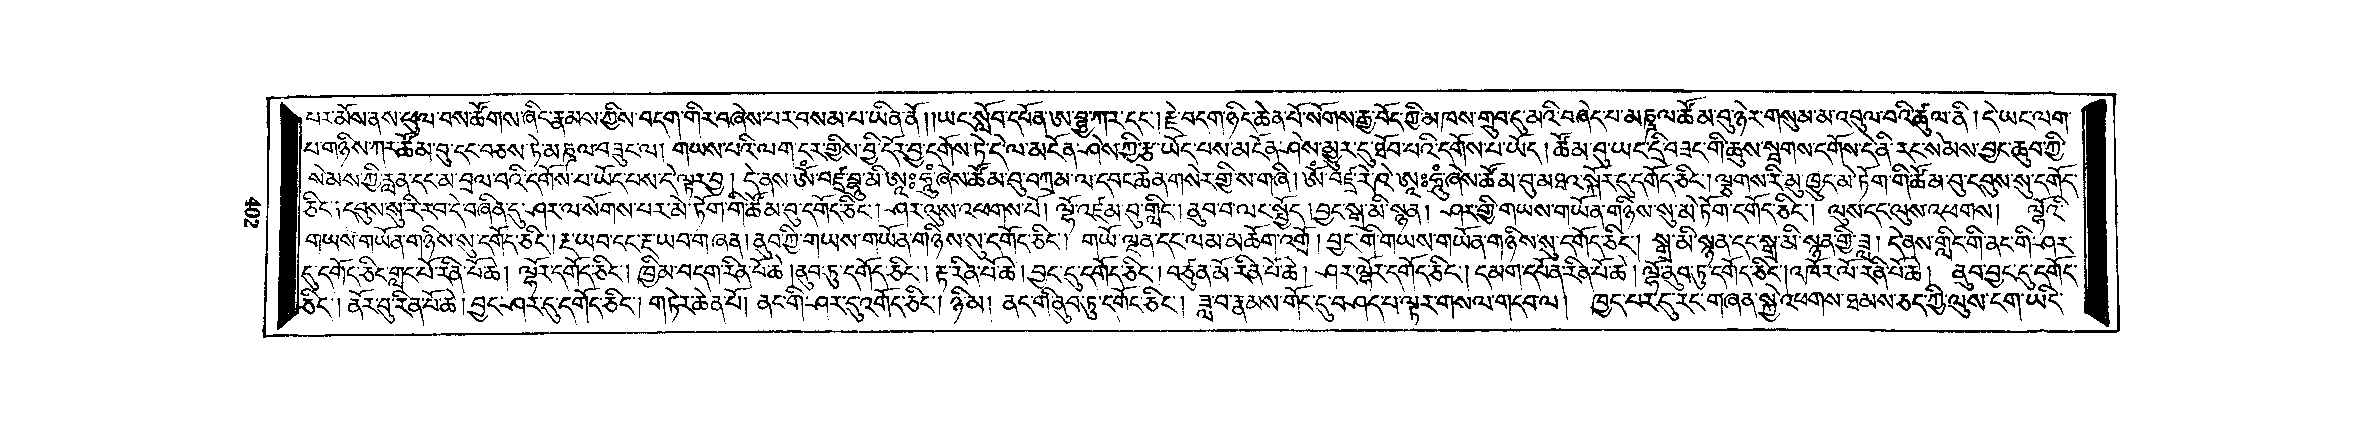པར་མོས་ནས་ཕུལ་བས་ཚོགས་ཞིང་རྣམས་ཀྱིས་བདག་གིར་བཞེས་པར་བསམ་པ་ཡིན་ནོ། །ཡང་སློབ་དཔོན་ཨ་བྷྱ་ཀ་ར་དང་། རྗེ་བདག་ཉིད་ཆེན་པོ་སོགས་རྒྱ་བོད་ཀྱི་མཁས་གྲུབ་དུ་མའི་བཞེད་པ་མཎྜལ་ཚོམ་བུ་ཉེར་གསུམ་མ་འབུལ་བའི་ཚུལ་ནི། དེ་ཡང་ལག་
པ་གཉིས་ཀར་ཚོམ་བུ་དང་བཅས་ཏེ་མཎྜལ་བཟུང་ལ། གཡས་པའི་ལག་ངར་གྱིས་བྱི་དོར་བྱ་དགོས་ཏེ་དེ་ལ་མངོན་ཤེས་ཀྱི་རྩ་ཡོད་པས་མངོན་ཤེས་མྱུར་དུ་ཐོབ་པའི་དགོས་པ་ཡོད། ཚོམ་བུ་ཡང་དྲི་བཟང་གི་ཆུས་སྦགས་དགོས་དེ་ནི་རང་སེམས་བྱང་ཆུབ་ཀྱི་
སེམས་ཀྱི་རླན་དང་མ་བྲལ་བའི་དགོས་པ་ཡོད་པས་དེ་ལྟར་བྱ། དེ་ནས་ཨོཾ་བྫྲ་བྷུའུ་མི་ཨཱཿ ཧཱུཾ་ཞེས་ཚོམ་བུ་བཀྲམ་ལ་དབང་ཆེན་གསེར་གྱི་ས་གཞི། ཨོཾ་བྫྲ་རེ་ཥེ་ཨཱཿ ཧཱུཾ་ཞེས་ཚོམ་བུ་མཐའ་སྐོར་དུ་དགོད་ཅིང་། ལྕགས་རི་མུ་ཁྱུད་མེ་ཏོག་གི་ཚོམ་བུ་དབུས་སུ་དགོད་
ཅིང་། དབུས་སུ་རི་རབ་དེ་བཞིན་དུ་ཤར་ལ་སོགས་པར་མེ་ཏོག་གི་ཚོམ་བུ་དགོད་ཅིང་། ཤར་ལུས་འཕགས་པོ། ལྷོ་འཛམ་བུ་གླིང་། ནུབ་བ་ལང་སྤྱོད། བྱང་སྒྲ་མི་སྙན། ཤར་གྱི་གཡས་གཡོན་གཉིས་སུ་མེ་ཏོག་དགོད་ཅིང་། ལུས་དང་ལུས་འཕགས། ལྷོའི་
གཡས་གཡོན་གཉི་སུ་དགོད་ཅིང་། རྔ་ཡབ་དང་རྔ་ཡབ་གཞན། ནུབ་ཀྱི་གཡས་གཡོན་གཉིས་སུ་དགོད་ཅིང་། གཡོ་ལྡན་དང་ལམ་མཆོག་འགྲོ་།བྱང་གི་གཡས་གཡོན་གཉིས་སུ་དགོད་ཅིང་། སྒྲ་མི་སྙན་དང་སྒྲ་མི་སྙན་གྱི་ཟླ། དེ་ནས་གླིང་གི་ནང་གི་ཤར་
དུ་དགོད་ཅིང་གླང་པོ་རིན་པོ་ཆེ། ལྷོར་དགོད་ཅིང་། ཁྱིམ་བདག་རིན་པོ་ཆེ། ནུབ་ཏུ་དགོད་ཅིང་། རྟ་རིན་པོ་ཆེ། བྱང་དུ་དགོད་ཅིང་། བཙུན་མོ་རིན་པོ་ཆེ། ཤར་ལྷོར་དགོད་ཅིང་། དམག་དཔོན་རིན་པོ་ཆེ། ལྷོ་ནུབ་ཏུ་དགོད་ཅིང་། འཁོར་ལོ་རིན་པོ་ཆེ། ནུབ་བྱང་དུ་དགོད་
ཅིང་། ནོར་བུ་རིན་པོ་ཆེ། བྱང་ཤར་དུ་དགོད་ཅིང་། གཏེར་ཆེན་པོ། ནང་གི་ཤར་དུ་འགོད་ཅིང་། ཉི་མ། ནང་གི་ནུབ་ཏུ་དགོད་ཅིང་། ཟླ་བ་རྣམས་གོང་དུ་བཤད་པ་ལྟར་གསལ་གདབ་ལ། ཁྱད་པར་དུ་རང་གཞན་སྐྱེ་འཕགས་ཐམས་ཅད་ཀྱི་ལུས་ངག་ཡིད་